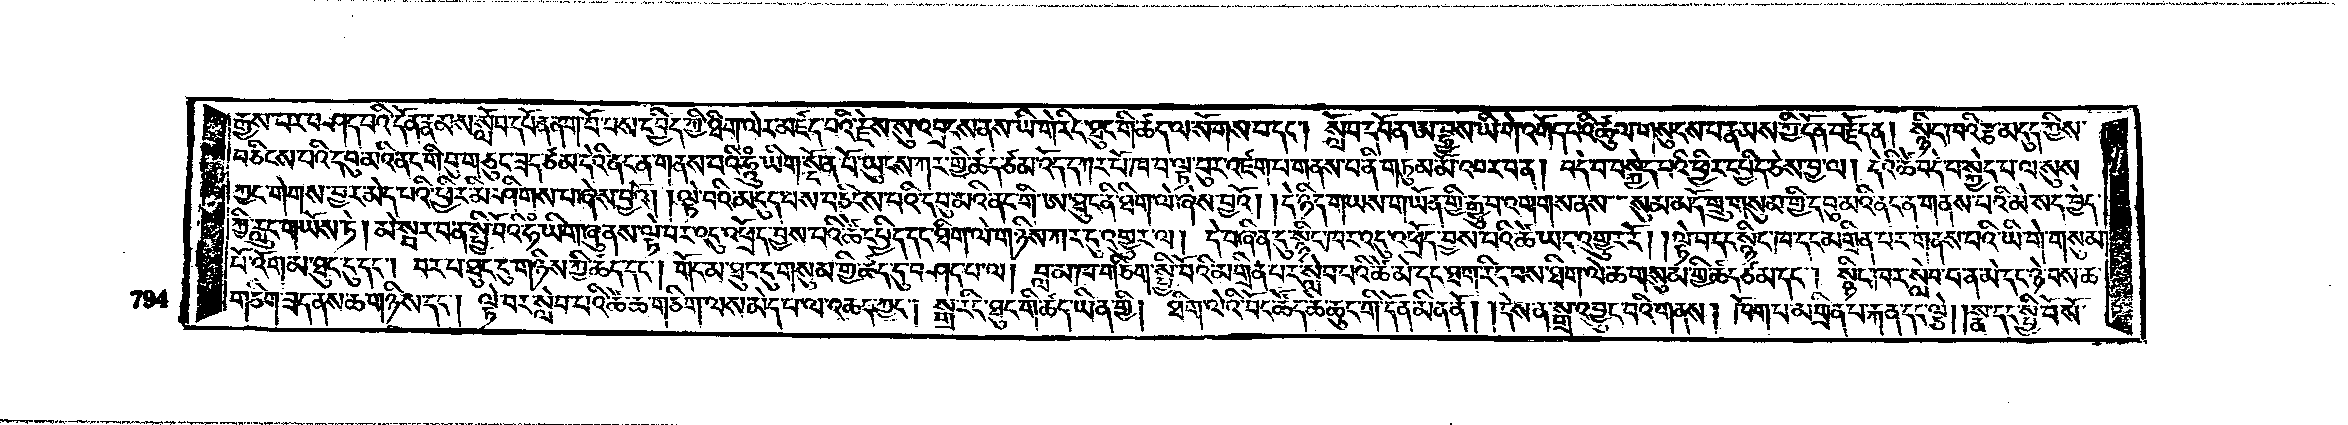རྒྱས་པར་བཤད་པའི་དོན་རྣམས་སློབ་དཔོན་ནག་པོ་པས་དཔྱིད་ཀྱི་ཐིག་ལེར་མཛད་པའི་རྗེས་སུ་འབྲངས་ནས་ཡི་གེ་རིང་ཐུང་གི་ཚད་ལ་སོགས་པ་དང་། སློབ་དཔོན་ཨ་བྷྱས་ཡི་གེ་འགོད་པའི་ཚུལ་གསུངས་པ་རྣམས་ཀྱི་དོན་བརྗོད་ན། སྙིང་ཁའི་རྩ་མདུད་ཀྱིས་
བཅིངས་པའི་དབུ་མའི་ནང་གི་བུ་གཅུང་ཟད་ཙམ་དེའི་ནང་ན་གནས་པའི་ཧཱུཾ་ཡིག་སྔོན་པོ་ཡུངས་ཀར་གྱི་ཚད་ཙམ་འོད་དཀར་པོ་ཁ་བ་ལྟ་བུར་འཛག་པ་གནས་པ་ནི་གཏུམ་མོ་འབར་བ་ན། བདེ་བ་བསྐྱེད་པའི་ཕྱིར་དཔྱིད་ཅེས་བྱ་ལ། དེའི་ཚེ་བདེ་བ་སྐྱེད་པ་ལ་སུས་
ཀྱང་གེགས་བྱར་མེད་པའི་ཕྱིར་མི་ཤིགས་པ་ཞེས་བྱའོ། །ལྟེ་བའི་མདུད་པས་བཅིངས་པའི་དབུ་མའི་ནང་གི་ཨ་ཐུང་ནི་ཐིག་ལེ་ཞེས་བྱའོ། །དེ་ཉིད་གཡས་གཡོན་གྱི་རྒྱུ་བ་འགགས་ནས་སུམ་མདོ་གྲུ་གསུམ་གྱི་དབུ་མའི་ནང་ན་གནས་པའི་མེ་སད་བྱེད་
ཀྱི་རླུང་གཡོས་ཏེ། མེ་སྦར་བ་ན་སྤྱི་བོའི་ཧཾ་ཡིག་ཞུ་ནས་ལྟེ་བར་འདུ་འཕྲོད་བྱས་པའི་ཚེ་དཔྱིད་དང་ཐིག་ལེ་གཉིས་ཀར་དུ་འགྱུར་ལ། དེ་བཞིན་དུ་སྙིང་ཁར་འདུ་འཕྲོད་བྱས་པའི་ཚེ་ཡང་འགྱུར་རོ། །ལྟེ་བ་དང་སྙིང་ཁ་དང་མགྲིན་པར་གནས་པའི་ཡི་གེ་གསུམ་
པོ་འོག་མ་ཐུང་ངུ་དང་། བར་པ་ཐུང་ངུ་གཉིས་ཀྱི་ཚད་དང་། གོང་མ་ཐུང་ངུ་གསུམ་གྱི་ཚད་དུ་བཤད་པ་ལ། བླ་མ་ཁ་གཅིག་སྤྱི་བོའི་མགྲིན་པར་སླེབ་པའི་ཚེ་མེ་དང་ཐག་རིང་བས་ཐིག་ལེ་ཆ་གསུམ་གྱི་ཚད་ཙམ་དང་། སྙིང་ཁར་སླེབ་བ་ན་མེ་དང་ཉེ་བས་ཆ་
གཅིག་ཟད་ནས་ཆ་གཉིས་དང་། ལྟེ་བར་སླེབ་པའི་ཚེ་ཆ་གཅིག་ལས་མེད་པ་ལ་འཆད་ཀྱང་། སྒྲ་རིང་ཐུང་གི་ཚད་ཡིན་གྱི། ཐིག་ལེའི་བོང་ཚོད་ཆེ་ཆུང་གི་དོན་མིན་ནོ། །དེས་ན་སྒྲ་འབྱུང་བའི་གནས། ཁོག་པ་མགྲིན་པ་རྐན་དང་ལྕེ། །སྣ་དང་སྤྱི་བོ་སོ་